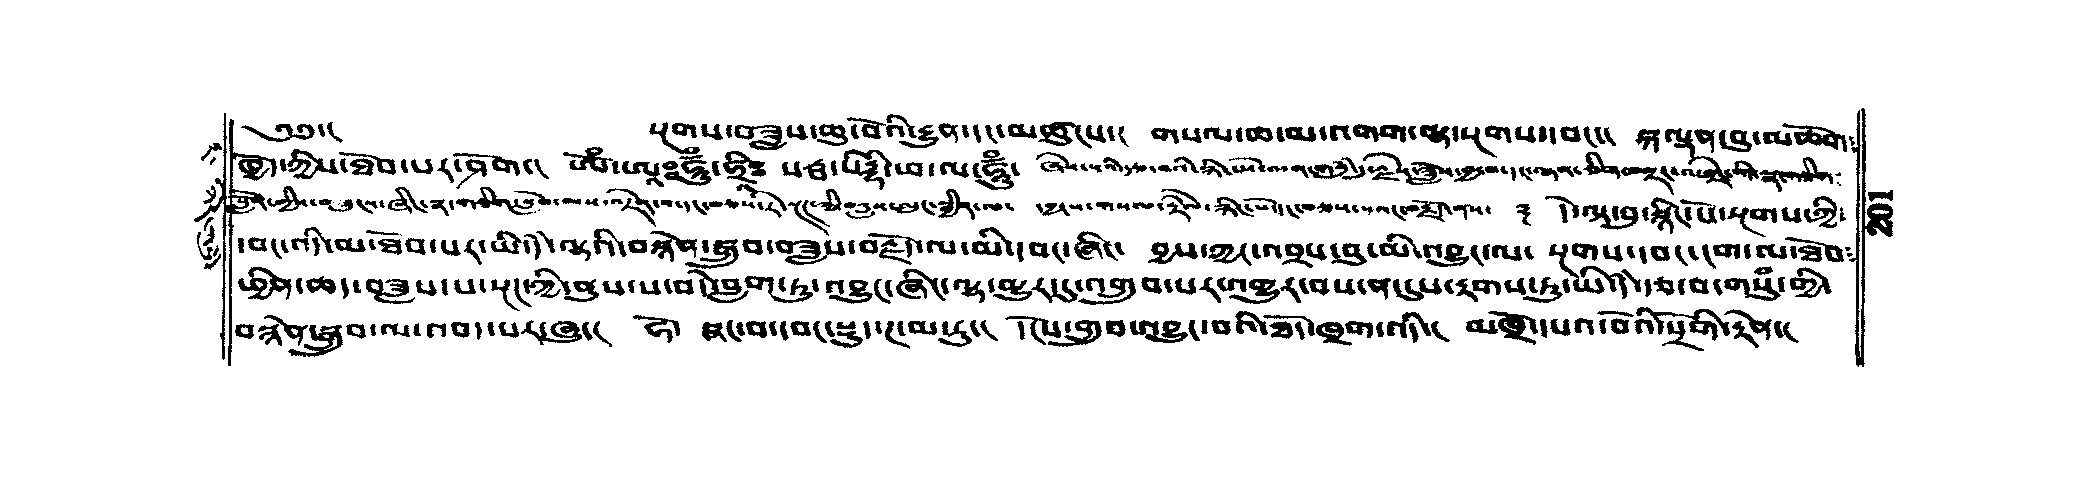སྔགས་བཟླས་ཆུ་བོའི་རྒྱུན་དང་མཚུངས། གསལ་ཆ་མ་འགག་ལྷ་སྔགས་དབང་། སྐལ་ལྡན་བུ་མཆོག་
ཁྱོད་ཀྱིས་ཐོབ་པར་ཤོག ཨོཾ་ཨཱཿཧཱུྃ་ཧྲཱིཿ སརྦ་སིདྡྷི་ཕ་ལ་ཧཱུྃ། ཞེས་པའི་རྩ་བའི་སྙིང་པོ་ལན་གསུམ་དུ་རྗེས་ཟློས་བྱ་བ་དང་ལྷན་ཅིག་བགྲང་འཕྲེང་གི་སྣ་གཅིག་
སློབ་དཔོན་གྱིས་་་་ཞིང་སྣ་གཅིག་སློབ་ལས་འདྲེན་པ་དང་བཅས་རེ་སྔགས་ཀྱི་བཟླས་ལུང་སྦྱིན་ལ།དབྱངས་གསལ་རྟེན་འབྲེལ་སྙིང་པོ་བཅས་པའང་བརྗོད་ནས། ༈ དེ་ལྟ་བུ་སྙིང་པོ་སྔགས་ཀྱི་
དབང་འདི་མ་ཐོབ་པར་ཡི་དམ་ལྷའི་བསྙེན་སྒྲུབ་བཟླས་བརྗོད་ལ་མི་དབང་ཞིང་། བྱས་ཀྱང་འབྲས་བུ་མི་འབྱུང་ལ། སྔགས་དབང་ངག་ལ་ཐོབ་
ཕྱིན་ཆད་བཟླས་པ་སྔགས་ཀྱི་ནུས་པ་བདེ་བླག་ཏུ་འབྱུང་ཞིང་ལྷ་མྱུར་དུ་འགྲུབ་བས་ན་དུས་རྟག་ཏུ་ཡི་དམ་རྩ་བ་གསུམ་གྱི་
བསྙེན་གྲུབ་ལ་འབད་པར་ཞུ། ཧོ། སྣང་བ་དབང་སྡུད་ཌཱ་མ་རུ། དངོས་གྲུབ་འབྱུང་བའི་ཐོད་ཁྲག་འདི། མཁའ་འགྲོ་དཔའ་བོའི་སྲོག་གི་རྟེན།